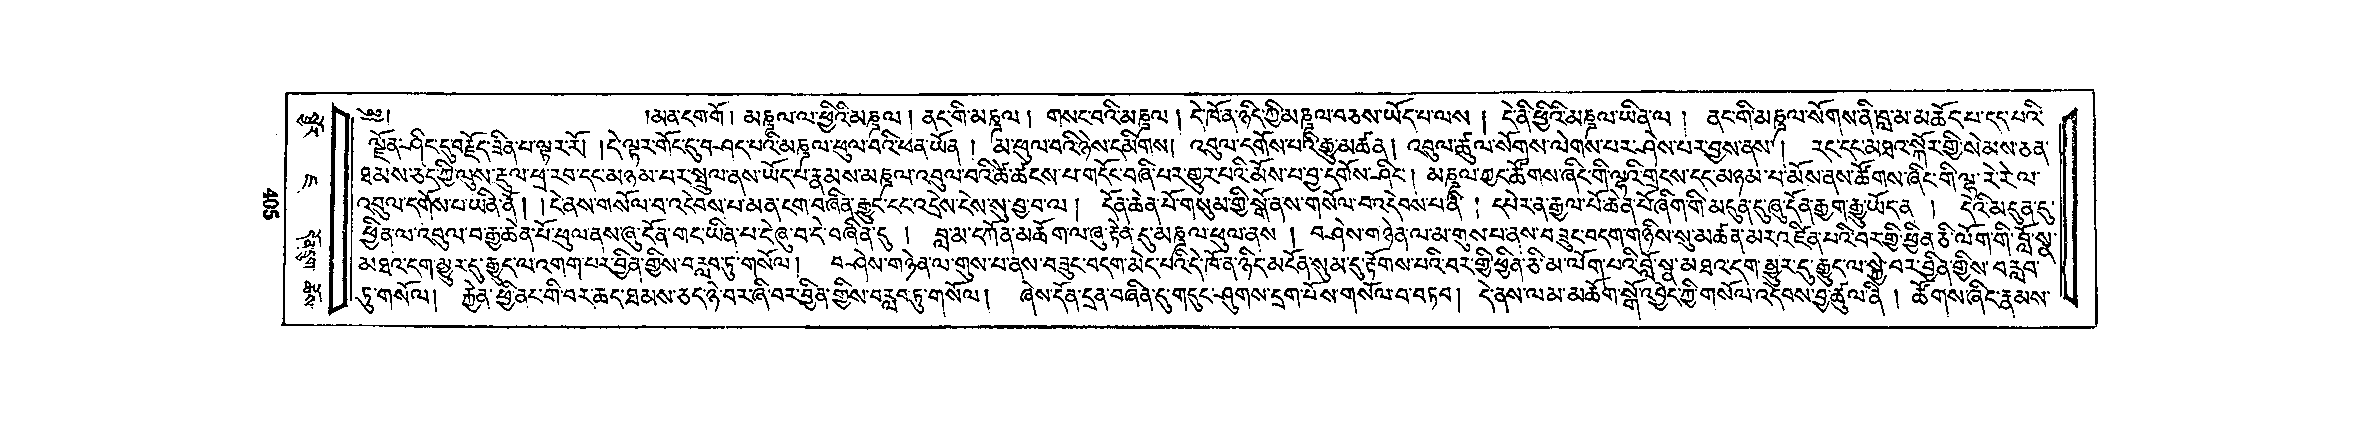༄༅། །མན་ངག་གོ །མཎྜལ་ལ་ཕྱིའི་མཎྜལ། ནང་གི་མཎྜལ། གསང་བའི་མཎྜལ། དེ་ཁོ་ན་ཉིད་ཀྱི་མཎྜལ་བཅས་ཡོད་པ་ལས། དེ་ནི་ཕྱིའི་མཎྜལ་ཡིན་ལ། ནང་གི་མཎྜལ་སོགས་ནི། བླ་མ་མཆོད་པ་དད་པའི་
ལྗོན་ཤིང་དུ་བརྗོད་ཟིན་པ་ལྟར་རོ། །དེ་ལྟར་གོང་དུ་བཤད་པའི་མཎྜལ་ཕུལ་བའི་ཕན་ཡོན། མ་ཕུལ་བའི་ཉེས་དམིགས། འབུལ་དགོས་པའི་རྒྱུ་མཚན། འབུལ་ཚུལ་སོགས་ལེགས་པར་ཤེས་པར་བྱས་ནས། རང་དང་མཐའ་སྐོར་གྱི་སེམས་ཅན་
ཐམས་ཅད་ཀྱི་ལུས་རྡུལ་ཕྲ་རབ་དང་མཉམ་པར་སྤྲུལ་ནས་ཡོད་པ་རྣམས་མཎྜལ་འབུལ་བའི་ཚེ་ཚངས་པ་གདོང་བཞི་པར་གྱུར་པའི་མོས་པ་བྱ་དགོས་ཤིང་། མཎྜལ་ཀྱང་ཚོགས་ཞིང་གི་ལྷའི་གྲངས་དང་མཉམ་པ་མོས་ནས་ཚོགས་ཞིང་གི་ལྷ་རེ་རེ་ལ་
འབུལ་དགོས་པ་ཡིན་ནོ། །དེ་ནས་གསོལ་བ་འདེབས་པ་མན་ངག་བཞིན་རྒྱུད་དང་འདྲེས་ངེས་སུ་བྱ་བ་ལ། དོན་ཆེན་པོ་གསུམ་གྱི་སྒོ་ནས་གསོལ་བ་འདེབས་པ་ནི། དཔེར་ན་རྒྱལ་པོ་ཆེན་པོ་ཞིག་གི་མདུན་དུ་ཞུ་དོན་རྒྱག་རྒྱུ་ཡོད་ན། དེའི་མདུན་དུ་
ཕྱིན་ལ་འབུལ་བ་རྒྱ་ཆེན་པོ་ཕུལ་ནས་ཞུ་དོན་གང་ཡིན་པ་དེ་ཞུ་བ་དེ་བཞིན་དུ། བླ་མ་དཀོན་མཆོག་ལ་ཞུ་རྟེན་དུ་མཎྜལ་ཕུལ་ནས། བཤེས་གཉེན་ལ་མ་གུས་པ་ནས་བཟུང་བདག་གཉིས་སུ་མཚན་མར་འཛིན་པའི་བར་གྱི་ཕྱིན་ཅི་ལོག་གི་བློ་སྣ་
མཐའ་དག་མྱུར་དུ་རྒྱུད་ལ་འགག་པར་བྱིན་གྱིས་བརླབ་ཏུ་གསོལ། བཤེས་གཉེན་ལ་གུས་པ་ནས་བཟུང་བདག་མེད་པའི་དེ་ཁོ་ན་ཉིད་མངོན་སུམ་དུ་རྟོགས་པའི་བར་གྱི་ཕྱིན་ཅི་མ་ལོག་པའི་བློ་སྣ་མཐའ་དག་མྱུར་དུ་རྒྱུད་ལ་སྐྱེ་བར་བྱིན་གྱིས་བརླབ་
ཏུ་གསོལ། རྐྱེན་ཕྱི་ནང་གི་བར་ཆད་ཐམས་ཅད་ཉེ་བར་ཞི་བར་བྱིན་གྱིས་བརླབ་ཏུ་གསོལ། ཞེས་དོན་དྲན་བཞིན་དུ་གདུང་ཤུགས་དྲག་པོས་གསོལ་བ་བཏབ། དེ་ནས་ལམ་མཆོག་སྒོ་འབྱེད་ཀྱི་གསོལ་འདེབས་བྱ་ཚུལ་ནི། ཚོགས་ཞིང་རྣམས་